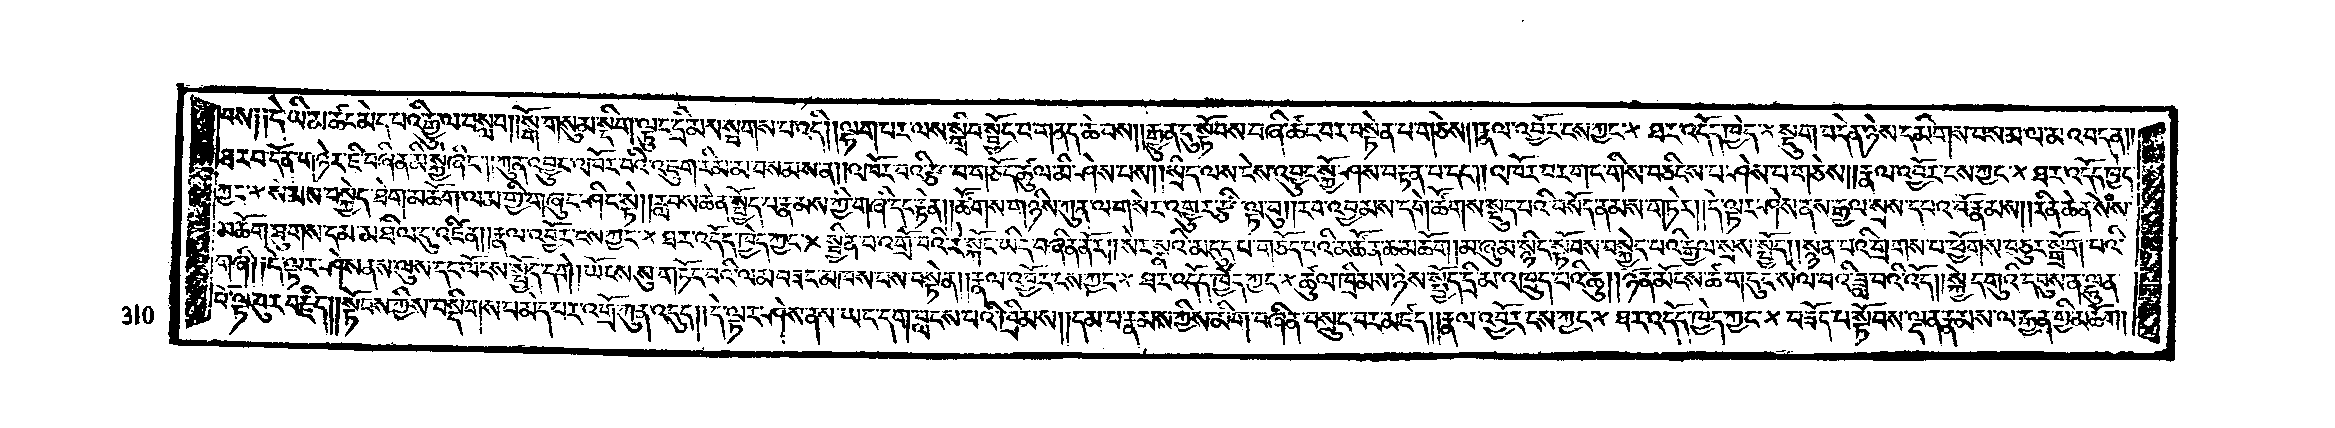བས། །དེ་ཡི་མ་ཚང་མེད་པའི་རྒྱུ་ལ་བསླབ། །སྒོ་གསུམ་སྡིག་ལྟུང་དྲི་མས་སྤགས་སྦགས་པ་འདི། །ལྷག་པར་ལས་སྒྲིབ་སྦྱོང་བ་གནད་ཆེ་བས། །རྒྱུན་དུ་སྟོབས་བཞི་ཚང་བར་བསྟེན་པ་གཅེས། །རྣལ་འབྱོར་ངས་ཀྱང་྾་ཐར་འདོད་ཁྱེད་྾་སྡུག་བདེན་ཉེས་དམིགས་བསམ་ལ་མ་འབད་ན།།
ཐར་པ་དོན་གཉེར་ཇི་བཞིན་མི་སྐྱེ་ཞིང་། །ཀུན་འབྱུང་འཁོར་བའི་འཇུག་རིམ་མ་བསམས་ན། །འཁོར་བའི་རྩ་བ་གཅོད་ཚུལ་མི་ཤེས་པས། །སྲིད་ལས་ངེས་འབྱུང་སྐྱོ་ཤས་བརྟན་པ་དང་། །འཁོར་བར་གང་གིས་བཅིངས་པ་ཤེས་པ་གཅེས། །རྣལ་འབྱོར་ངས་ཀྱང་྾་ཐར་འདོད་ཁྱེད་
ཀྱང་྾་སེམས་བསྐྱེད་ཐེག་མཆོག་ལམ་གྱི་གཞུང་ཤིང་སྟེ། །རླབས་ཆེན་སྤྱོད་པ་རྣམས་ཀྱི་གཞི་དང་རྟེན། །ཚོགས་གཉིས་ཀུན་ལ་གསེར་འགྱུར་རྩི་ལྟ་བུ། །རབ་འབྱམས་དགེ་ཚོགས་སྡུད་པའི་བསོད་ནམས་གཏེར། །དེ་ལྟར་ཤེས་ནས་རྒྱལ་སྲས་དཔའ་བོ་རྣམས། །རིན་ཆེན་སེམས་
མཆོག་ཐུགས་དམ་མཐིལ་དུ་འཛིན། །རྣལ་འབྱོར་ངས་ཀྱང་྾་ཐར་འདོད་ཁྱེད་ཀྱང་྾་སྦྱིན་པ་འགྲོ་བའི་རེ་སྐོང་ཡིད་བཞིན་ནོར། །སེར་སྣའི་མདུད་པ་གཅོད་པའི་མཚོན་ཆ་མཆོག །མ་ཞུམ་སྙིང་སྟོབས་བསྐྱེད་པའི་རྒྱལ་སྲས་སྤྱོད། །སྙན་པའི་གྲགས་པ་ཕྱོགས་བཅུར་སྒྲོག་པའི་
གཞི༑ ༑དེ་ལྟར་ཤེས་ནས་ལུས་དང་ལོངས་སྤྱོད་དགེ །ཡོངས་སུ་གཏོང་བའི་ལམ་བཟང་མཁས་པས་བསྟེན། །རྣལ་འབྱོར་ངས་ཀྱང་྾་ཐར་འདོད་ཁྱེད་ཀྱང་྾་ཚུལ་ཁྲིམས་ཉེས་སྤྱོད་དྲི་མ་འཁྲུད་པའི་ཆུ། །ཉོན་མོངས་ཚ་གདུང་སེལ་བའི་ཟླ་བའི་འོད། །སྐྱེ་དགུའི་དབུས་ན་ལྷུན་
པོ་ལྟ་བུར་བརྗིད། །སྟོབས་ཀྱིས་བསྡིགས་པ་མེད་པར་འགྲོ་ཀུན་འདུད། །དེ་ལྟར་ཤེས་ནས་ཡང་དག་བླངས་པའི་ཁྲིམས། །དམ་པ་རྣམས་ཀྱིས་མིག་བཞིན་བསྲུང་བར་མཛད། །རྣལ་འབྱོར་ངས་ཀྱང་྾་ཐར་འདོད་ཁྱེད་ཀྱང་྾་བཟོད་པ་སྟོབས་ལྡན་རྣམས་ལ་རྒྱན་གྱི་མཆོག །